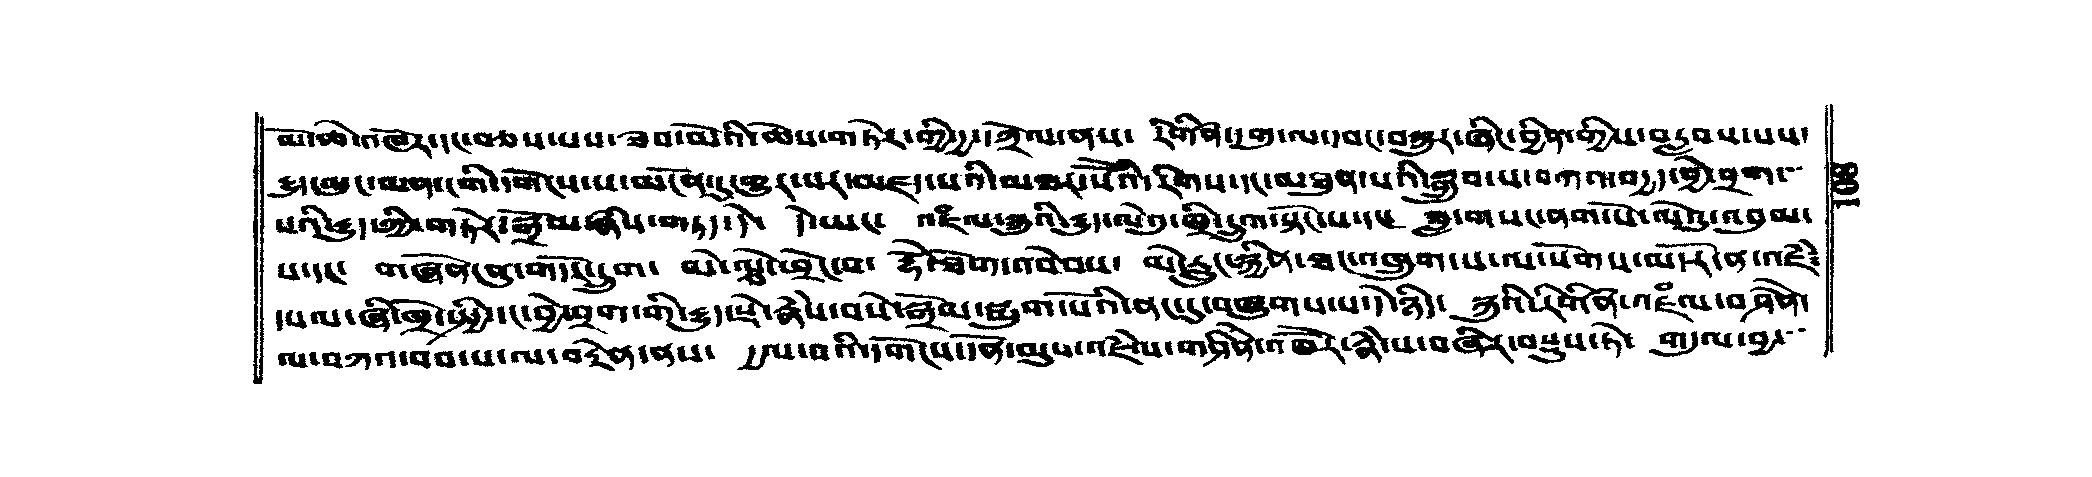མོ་ཆེ་འཁོར་དང་བཅས་པས་ཟབ་མོའི་ཆོས་གཏེར་གྱི་རྒྱ་དཀྲོལ་ནས། རིག་འཛིན་དགུ་ལ་བདང་བསྐུར་ཞིང་བྱིན་གྱིས་བརླབས་པས་
རྒྱུད་མུང་མན་ངག་གི་དགོངས་པ་མངོན་དུ་གྱུར་པར་མཛད་པའི་མཐར་སོ་སོའི་རིགས་དང་མཐུན་པའི་སྒྲུབ་པ་བཀའ་བརྒྱད་བྱེ་བྲག་
པའི་རྒྱུད་ཀྱི་གཏེར་སྒྲོམ་རྣམས་གཏད་དེ། དེ་ཡང་། འཇམ་དཔལ་སྐུའི་རྒྱུད་ལེའུ་ཁྱི་དྲུག་སྟོང་པ་དང་། ཟླ་གསང་ནག་པོ་ལེའུ་འབུམ་
པ་དང་། གཞོན་ནུ་གདོང་དྲུག མེ་ལྕེ་ཕྲེང་བ། རྡོ་རྗེ་ཐོག་འབེབས། མེ་རླུང་སྐྱིན་ཐང་འཁྲུག་པ་ལ་སོགས་མདོར་ན་འཇམ་
དཔལ་ཞི་ཁྲོ་སྤྱི་དང་བྱེ་བྲག་གི་རྒྱུད་སྡེ་རྣམས་བསེ་སྒྲོམ་སྨུག་པོའི་ནང་དུ་བཞུགས་པ་དེ་ཉིད། སྐུའི་རིག་འཛིན་འཇམ་དཔལ་བཤེས་གཉེན་
ལ་བཀའ་བབ་པ་ལ་བརྟེན་ནས།རྒྱལ་བའི་དགོངས་དོན་མུས་འཇམ་དཔལ་གཤིན་རྗེ་འཁོར་ལོ་རྣམ་པ་བཞིར་བསྡུས་ཏེ། གདུལ་བྱ་